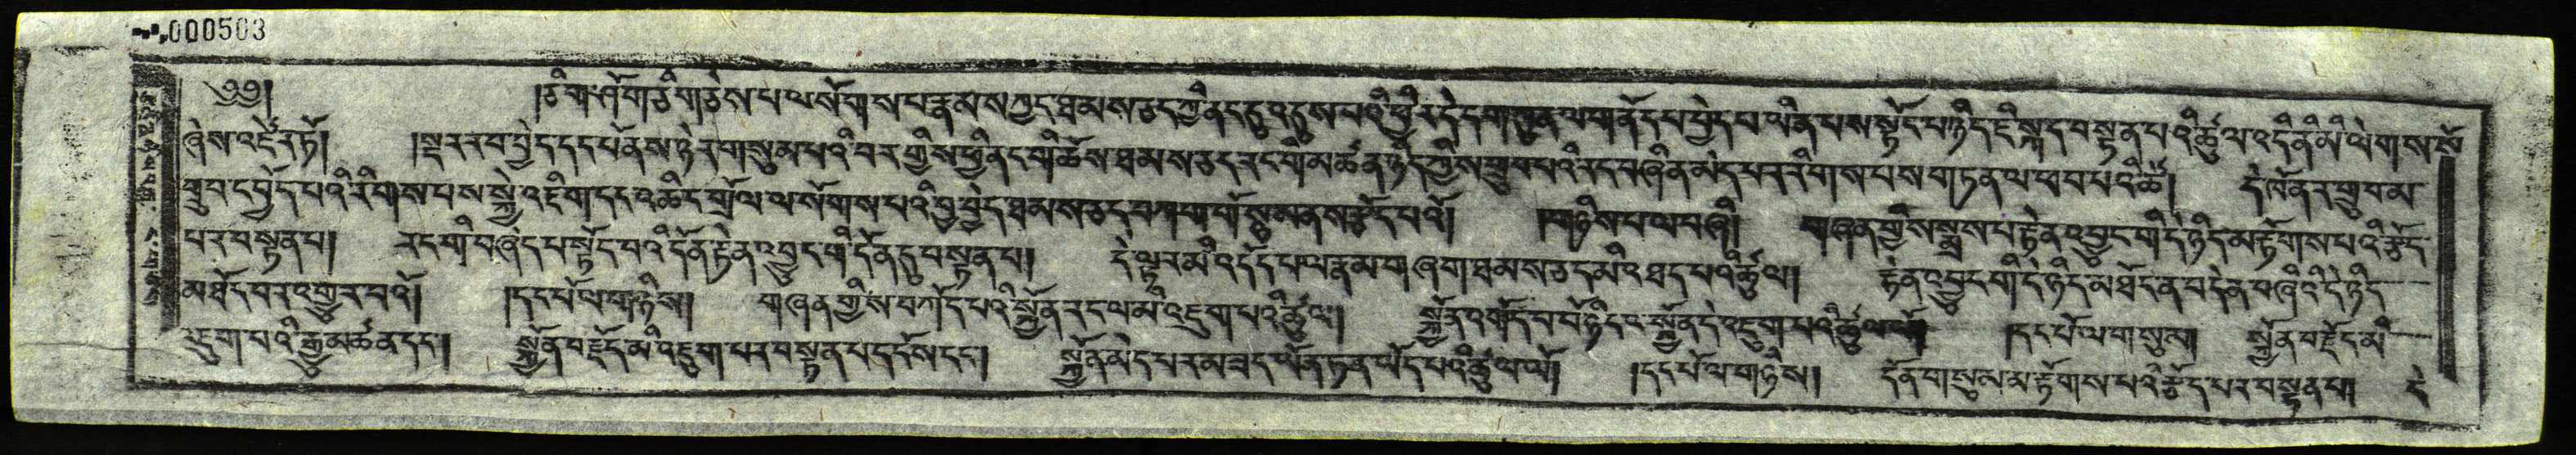༄༅། །ཅིག་ཤོག་ཅིག་ཅེས་པ་ལ་སོགས་པ་རྣམས་ཀྱང་ཐམས་ཅད་ཀྱི་ནང་དུ་འདུས་པའི་ཕྱིར་དེ་དག་ཀུན་ལ་གནོད་པ་བྱེད་པ་ཡིན་པས་སྟོང་པ་ཉིད་ཇི་སྐད་བསྟན་པའི་ཚུལ་འདི་ནི་མི་ལེགས་སོ་
ཞེས་འཛེར་ཏོ། །སྔར་རབ་བྱེད་དང་པོ་ནས་ཉེར་གསུམ་པའི་བར་གྱིས་ཕྱི་ནང་གི་ཆོས་ཐམས་ཅད་རང་གི་མཚན་ཉིད་ཀྱིས་གྲུབ་པའི་རང་བཞིན་མེད་པར་རིགས་པས་གཏན་ལ་ཕབ་པའི་ཚེ། དེ་ཁོ་ནར་གྲུབ་མ་
གྲུབ་དཔྱོད་པའི་རིགས་པས་སྐྱེ་འཇིག་དང་འཆིང་གྲོལ་ལ་སོགས་པའི་བྱ་བྱེད་ཐམས་ཅད་བཀག་གོ་སྙམ་ནས་རྩོད་པའོ། །གཉིས་པ་ལ་བཞི། གཞན་གྱིས་སྨྲས་པ་རྟེན་འབྱུང་གི་དེ་ཉིད་མ་རྟོགས་པའི་རྩོད་
པར་བསྟན་པ། རང་གི་བཞེད་པ་སྟོང་པའི་དོན་རྟེན་འབྱུང་གི་དོན་དུ་བསྟན་པ། དེ་ལྟར་མི་འདོད་པ་ལ་རྣམ་གཞག་ཐམས་ཅད་མི་འཐད་པའི་ཚུལ། རྟེན་འབྱུང་གི་དེ་ཉིད་མཐོང་ན་བདེན་བཞིའི་དེ་ཉིད་
མཐོང་བར་འགྱུར་བའོ། །དང་པོ་ལ་གཉིས། གཞན་གྱིས་བཀོད་པའི་སྐྱོན་རང་ལ་མི་འཇུག་པའི་ཚུལ། སྐྱོན་འགོད་པ་པོ་ཉིད་ལ་སྐྱོན་དེ་འཇུག་པའི་ཚུལ་ལོ། །དང་པོ་ལ་གསུམ། སྐྱོན་བརྗོད་མི་
འཇུག་པའི་རྒྱུ་མཚན་དང་། སྐྱོན་བརྗོད་མི་འཇུག་པར་བསྟན་པ་དངོས་དང་། སྐྱོན་མེད་པར་མ་ཟད་ཡོན་ཏན་ཡོད་པའི་ཚུལ་ལོ། །དང་པོ་ལ་གཉིས། དོན་གསུམ་མ་རྟོགས་པའི་རྩོད་པར་བསྟན་པ། དེ་